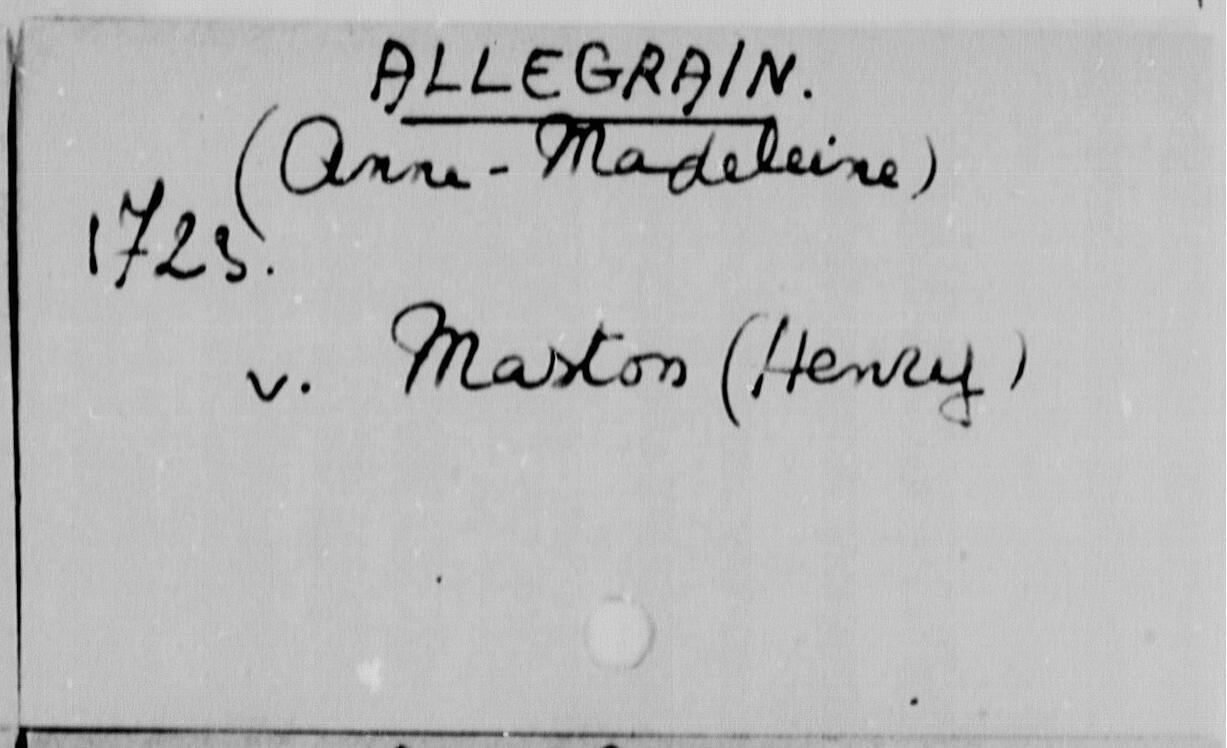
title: ALLEGRAIN (Anne-Madeleine)
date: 1723
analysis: Voir MASTON (Henry)
